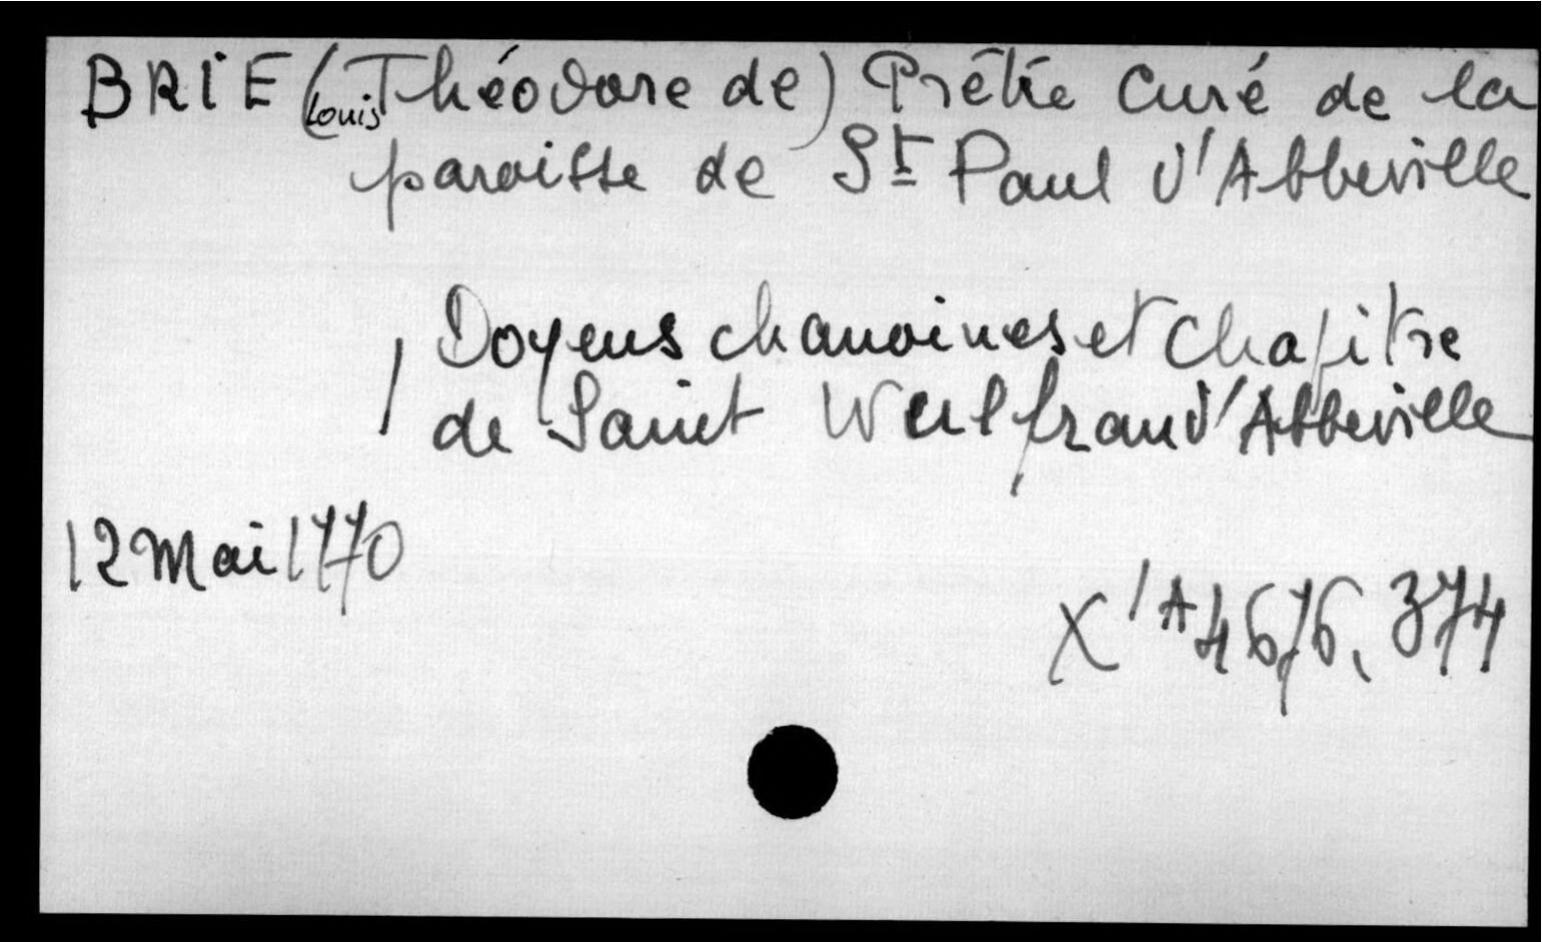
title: BRIE (Louis Théodare de) Prêtre curé de la paroisse de Saint-Paul d'Abbeville
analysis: Contre Doyens chanoines et chapitre de Saint-Vulfran d'Abbeville
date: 12 mai 1770
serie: X1A
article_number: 4676
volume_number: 374
